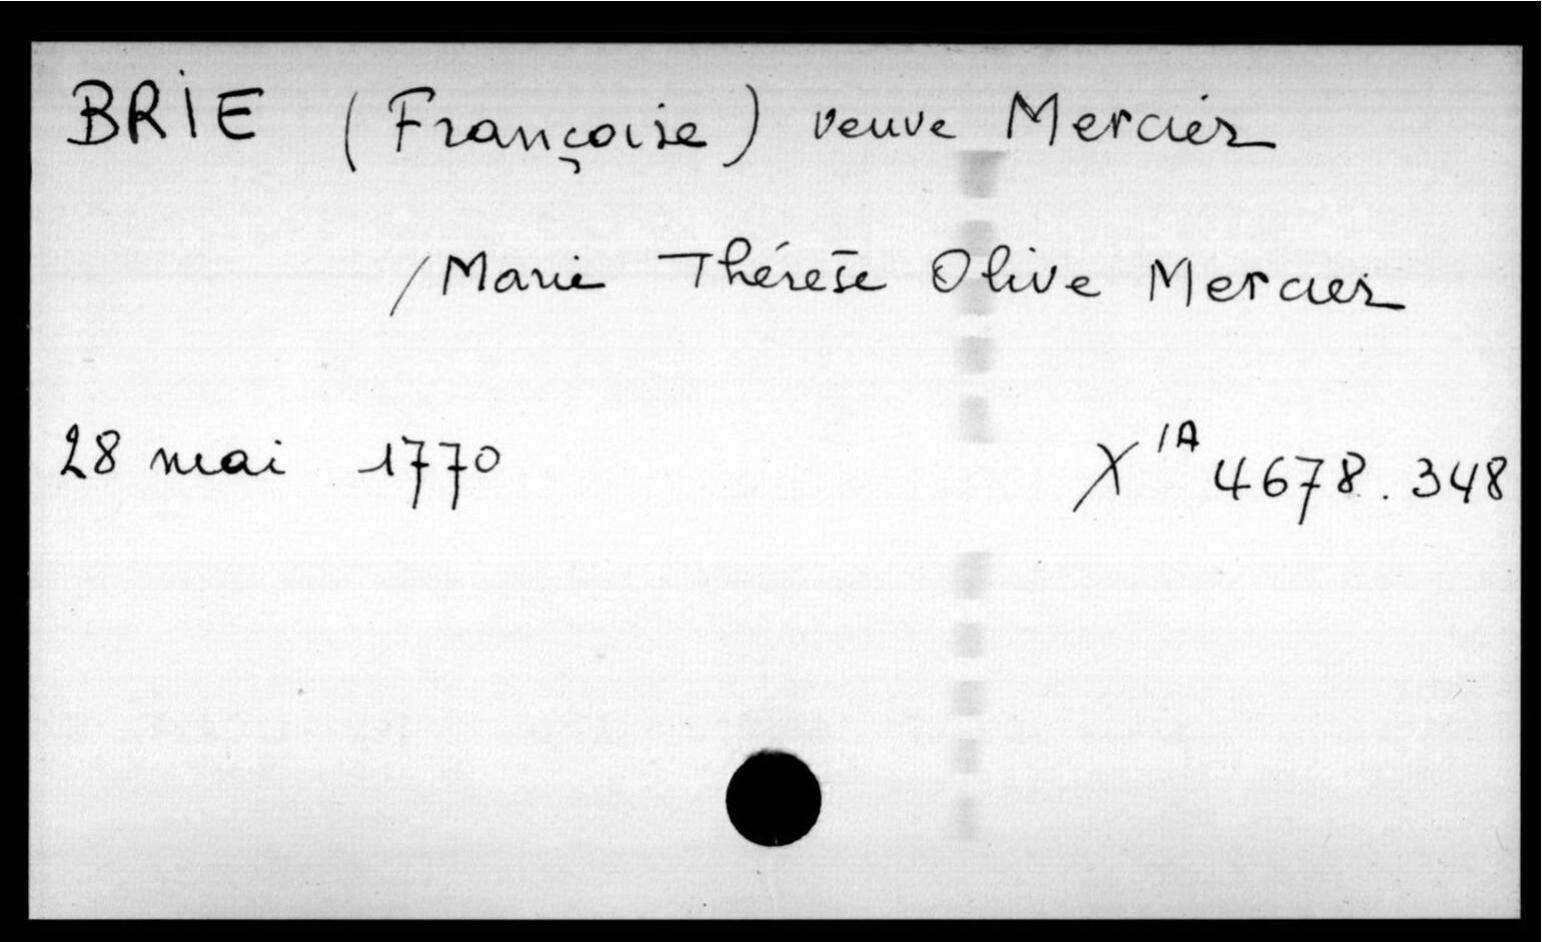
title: BRIE (Françoise) Veuve Mercier
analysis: Contre Marie Thérèse Olive Mercier
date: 28 mai 1770
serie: X1A
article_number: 4678
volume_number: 348
